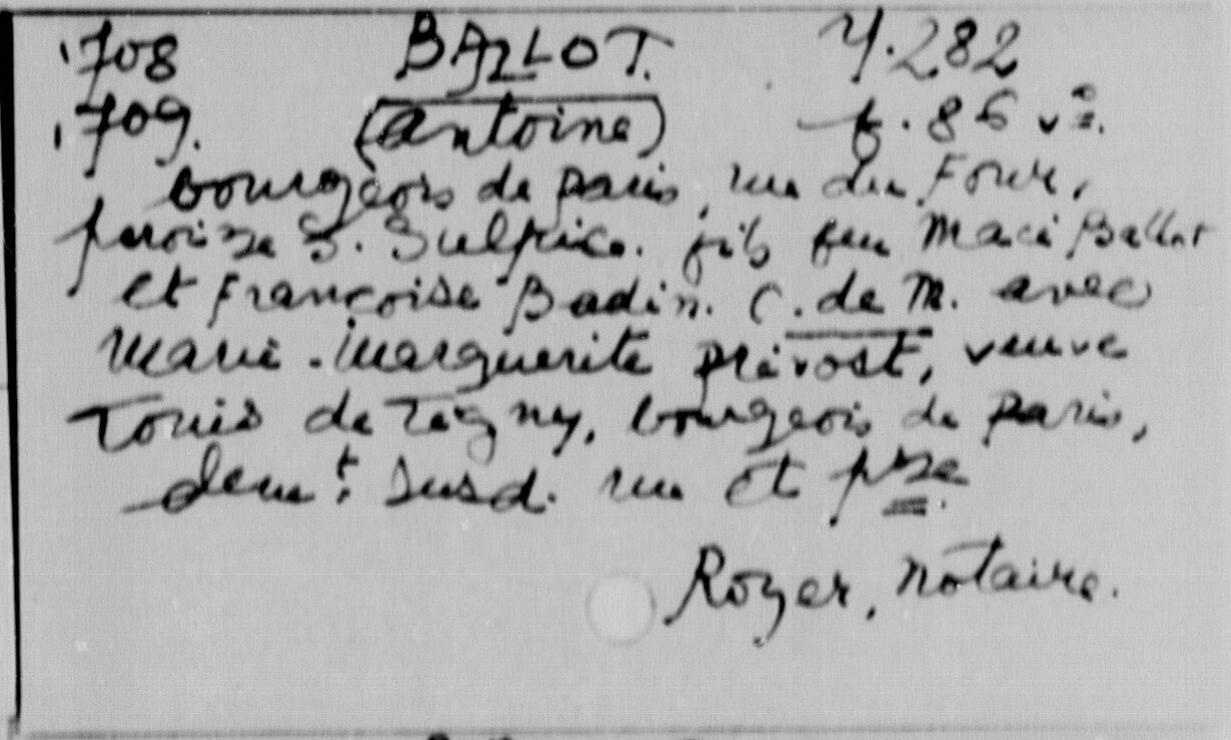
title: BALLOT (Antoine)
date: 1708-1709
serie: Y
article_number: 282
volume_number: folio 86 verso
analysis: bourgeois de Paris, rue du Four, paroisse Saint-Sulpice. fils feu Maci Ballot et Françoise Badin. Contrat de mariage avec Marie-Marguerite Prévost, veuve Louis de Légny, bourgeois de Paris, demeurant susdites rue et paroisse. Royer, notaire.
